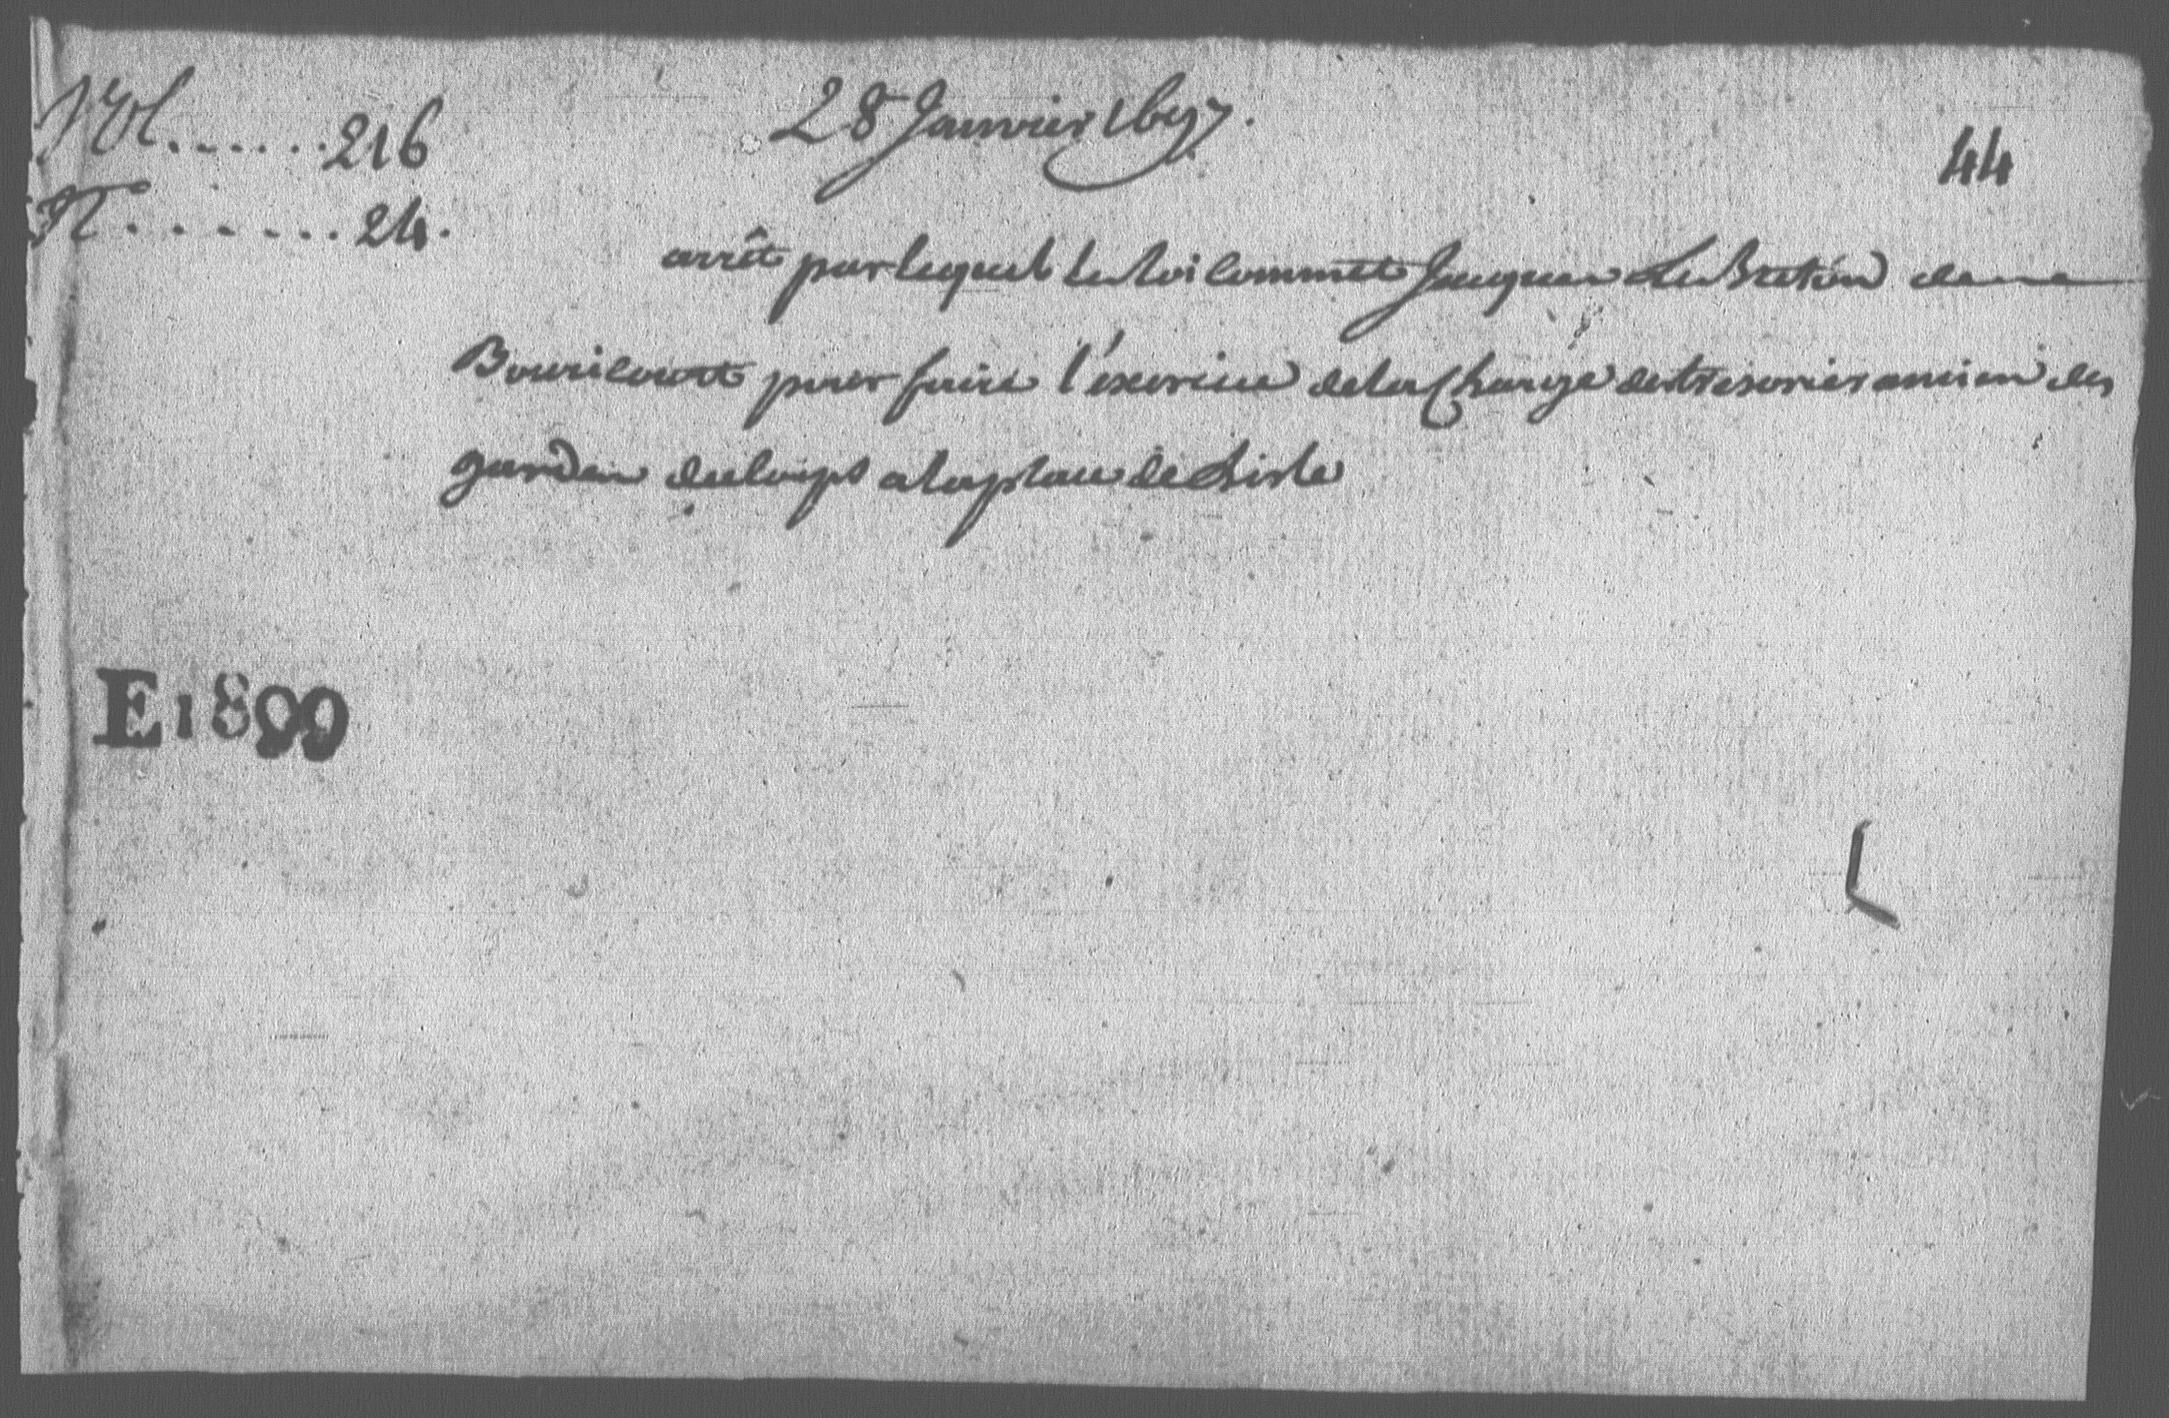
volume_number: n°24
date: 28 janvier 1637
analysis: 44
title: arrêt par lequel le Roi commet Jacques Le Breton des Bouricourt pour faire l'exercice de la charge de tresorier ancien des gardes du corps a la place de Lisle
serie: E
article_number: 1899
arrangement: vol. 216
